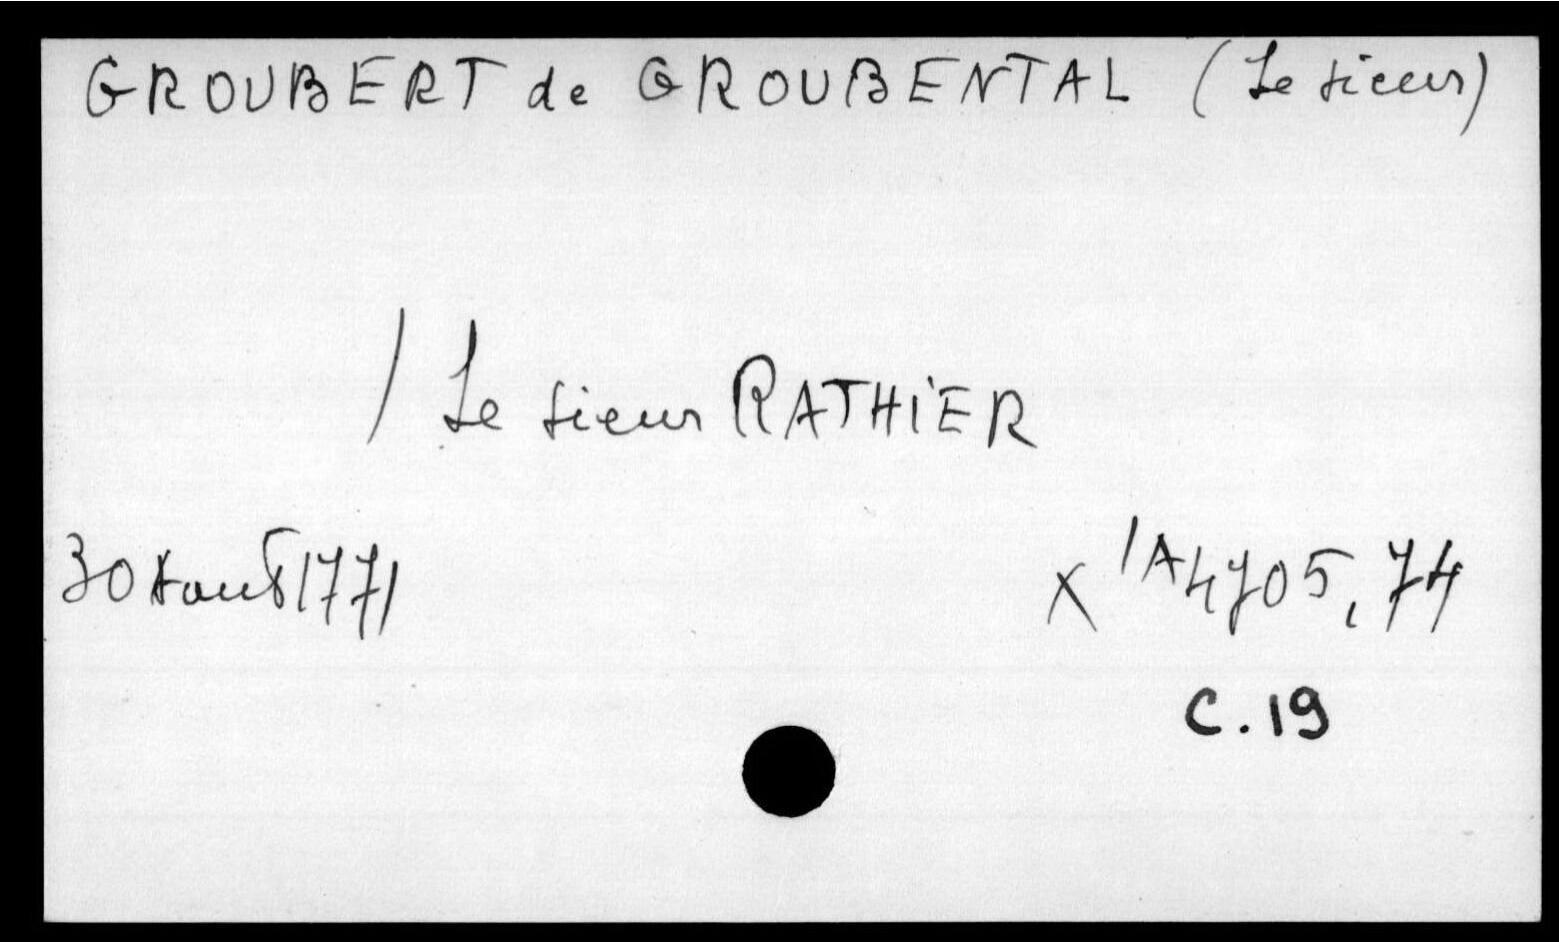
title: GROUBERT de GROUBENTAL (le sieur)
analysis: Contre le sieur RATHIER
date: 30 août 1771
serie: X1A
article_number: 4705
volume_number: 74
